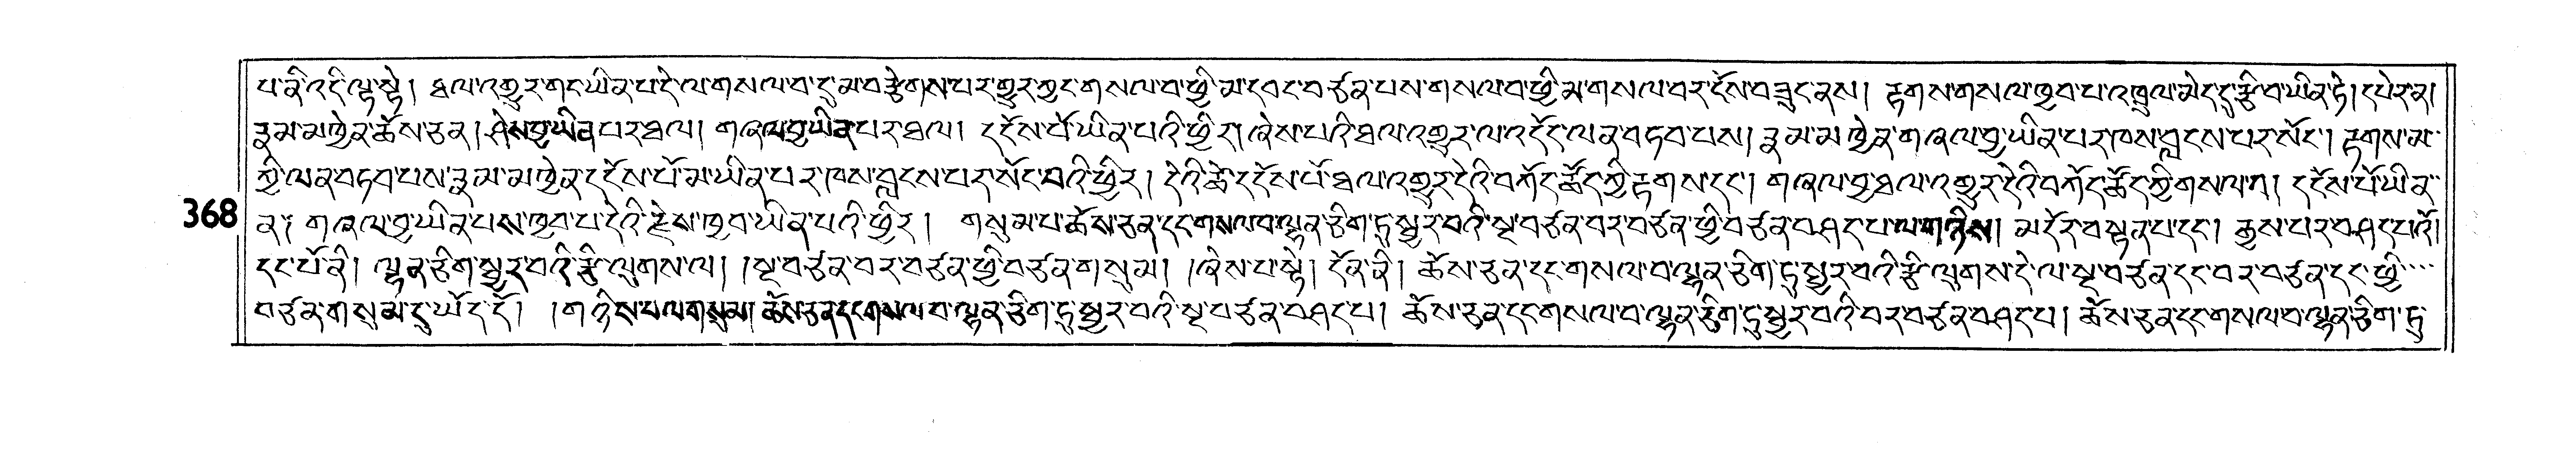པ་ནི་འདི་ལྟ་སྟེ། ཐལ་འགྱུར་གང་ཡིན་པ་དེ་ལ་གསལ་བ་དུ་མ་བརྩེགས་པར་གྱུར་ཀྱང་གསལ་བ་ཕྱི་མ་དབང་བཙན་པས་གསལ་བ་ཕྱི་མ་གསལ་བར་ངོས་བཟུང་ནས། རྟགས་གསལ་ཁྱབ་པ་འཁྲུལ་མེད་དུ་རྩི་བ་ཡིན་ཏེ། དཔེར་ན།
རྣམ་མཁྱེན་ཆོས་ཅན། ཤེས་བྱ་ཡིན་པར་ཐལ། གཞལ་བྱ་ཡིན་པར་ཐལ། དངོས་པོ་ཡིན་པའི་ཕྱིར། ཞེས་པའི་ཐལ་འགྱུར་ལ་འདོད་ལན་བཏབ་པས། རྣམ་མཁྱེན་གཞལ་བྱ་ཡིན་པར་ཁས་བླངས་པར་སོང་། རྟགས་མ་
ཀྱི་ལན་བཏབ་པས་རྣམ་མཁྱེན་དངོས་པོ་མ་ཡིན་པར་ཁས་བླངས་པར་སོང་བའི་ཕྱིར། དེའི་ཚེ་དངོས་པོ་ཐལ་འགྱུར་དེའི་བཀོད་ཚོད་ཀྱི་རྟགས་དང་། གཞལ་བྱ་ཐལ་འགྱུར་དེའི་བཀོད་ཚོད་ཀྱི་གསལ་བ། དངོས་པོ་ཡིན་
ན༑ གཞལ་བྱ་ཡིན་པས་ཁྱབ་པ་དེའི་རྗེས་ཁྱབ་ཡིན་པའི་ཕྱིར། གསུམ་པ་ཆོས་ཅན་དང་གསལ་བ་ལྷན་ཅིག་ཏུ་སྦྱར་བའི་སྔ་འཁྲུལ་མེད་དུ་རྩི་བ་ཡིན་ཏེ། དཔེར་ན། དང་། རྒྱས་པར་བཤད་པའོ།
དང་པོ་ནི། ལྷན་ཅིག་སྦྱར་བའི་རྩི་ལུགས་ལ། །སྔ་བཙན་བར་བཙན་ཕྱི་བཙན་གསུམ། །ཞེས་པ་སྟེ། དོན་ནི། ཆོས་ཅན་དང་གསལ་བ་ལྷན་ཅིག་ཏུ་སྦྱར་བའི་རྩི་ལུགས་དེ་ལ་སྔ་བཙན་དང་བར་བཙན་དང་ཕྱི་
བཙན་གསུམ་དུ་ཡོད་དོ། །གཉིས་པ་ལ་གསུམ། ཆོས་ཅན་དང་གསལ་བ་ལྷན་ཅིག་ཏུ་སྦྱར་བའི་སྔ་བཙན་བཤད་པ། ཆོས་ཅན་དང་གསལ་བ་ལྷན་ཅིག་ཏུ་སྦྱར་བའི་བར་བཙན་བཤད་པ། ཆོས་ཅན་དང་གསལ་བ་ལྷན་ཅིག་ཏུ་